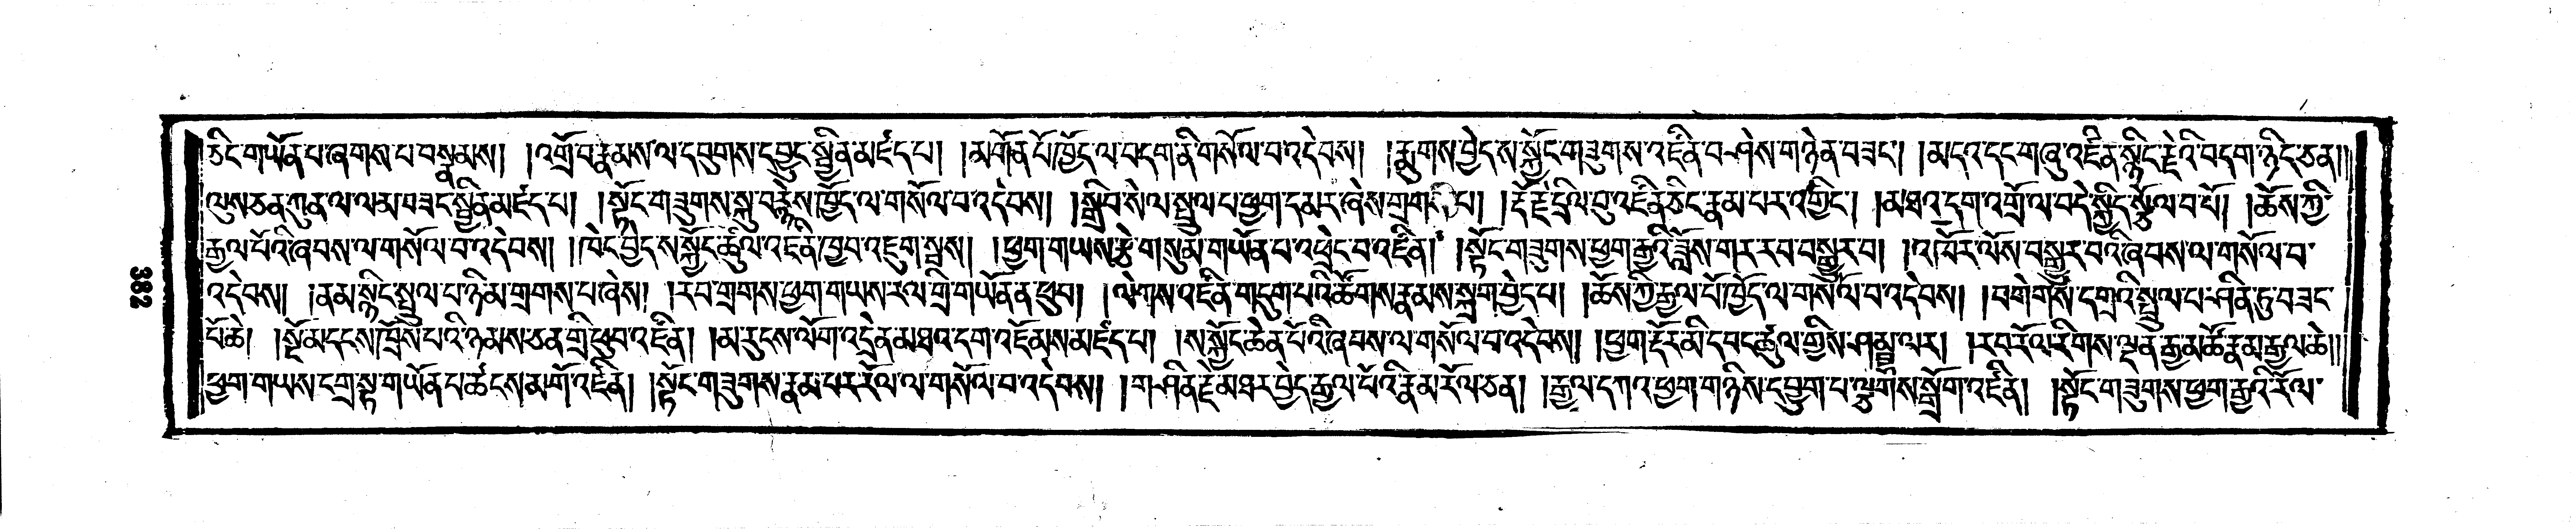ཅིང་གཡོན་པ་ཞགས་པ་བསྣམས། །འགྲོ་བ་རྣམས་ལ་དབུགས་དབྱུང་སྦྱིན་མཛད་པ། །མགོན་པོ་ཁྱོད་ལ་བདག་ནི་གསོལ་བ་འདེབས། །རྨུགས་བྱེད་ས་སྐྱོང་གཟུགས་འཛིན་བཤེས་གཉེན་བཟང་། །མདའ་དང་གཞུ་འཛིན་སྙིང་རྗེའི་བདག་ཉིད་ཅན།།
ལུས་ཅན་ཀུན་ལ་ལམ་བཟང་སྦྱིན་མཛད་པ། །སྟོང་གཟུགས་སྐུ་བརྙེས་ཁྱོད་ལ་གསོལ་བ་འདེབས། །སྒྲིབ་སེལ་སྤྲུལ་པ་ཕྱག་དམར་ཞེས་གྲགས་པ། །རྡོ་རྗེ་དྲིལ་བུ་འཛིན་ཅིང་རྣམ་པར་འགྱིང་། །མཐའ་དག་འགྲོ་ལ་བདེ་སྐྱིད་སྩོལ་བ་པོ། །ཆོས་ཀྱི་
རྒྱལ་པོའི་ཞབས་ལ་གསོལ་བ་འདེབས། །ཁེང་བྱེད་ས་སྐྱོང་ཚུལ་འཛིན་ཁྱབ་འཇུག་སྦས། །ཕྱག་གཡས་རྩེ་གསུམ་གཡོན་པ་འཕྲེང་བ་འཛིན། །སྟོང་གཟུགས་ཕྱག་རྒྱའི་ཟློས་གར་རབ་བསྒྱུར་བ། །འཁོར་ལོས་བསྒྱུར་བའི་ཞབས་ལ་གསོལ་བ་
འདེབས། །ནམ་སྙིང་སྤྲུལ་པ་ཉི་མ་གྲགས་པ་ཞེས། །རབ་གྲགས་ཕྱག་གཡས་རལ་གྲི་གཡོན་ན་ཕུབ། །ལེགས་འཛིན་གདུག་པའི་ཚོགས་རྣམས་སྐྲག་བྱེད་པ། །ཆོས་ཀྱི་རྒྱལ་པོ་ཁྱོད་ལ་གསོལ་བ་འདེབས། །བགེགས་དགྲའི་སྤྲུལ་པ་ཤིན་ཏུ་བཟང་
པོ་ཆེ། །སྔོ་མདངས་ཁྲོས་པའི་ཉམས་ཅན་གྲི་ཕུབ་འཛིན། །མ་རུངས་ལོག་འདྲེན་མཐའ་དག་འཇོམས་མཛད་པ། །ས་སྐྱོང་ཆེན་པོའི་ཞབས་ལ་གསོལ་བ་འདེབས། །ཕྱག་རྡོར་མི་དབང་ཚུལ་གྱིས་ཤྨྦྷ་ལར། །རབ་རོལ་རིགས་ལྡན་རྒྱ་མཚོ་རྣམ་རྒྱལ་ཆེ།།
ཕྱག་གཡས་དགྲ་སྟ་གཡོན་པ་ཚངས་མགོ་འཛིན། །སྟོང་གཟུགས་རྣམ་པར་རོལ་ལ་གསོལ་བ་འདེབས། །གཤིན་རྗེ་མཐར་བྱེད་རྒྱལ་པོའི་རྣམ་རོལ་ཅན། །རྒྱལ་དཀའ་ཕྱག་གཉིས་དབྱུག་པ་ལྕགས་སྒྲོག་འཛིན། །སྟོང་གཟུགས་ཕྱག་རྒྱའི་རོལ་